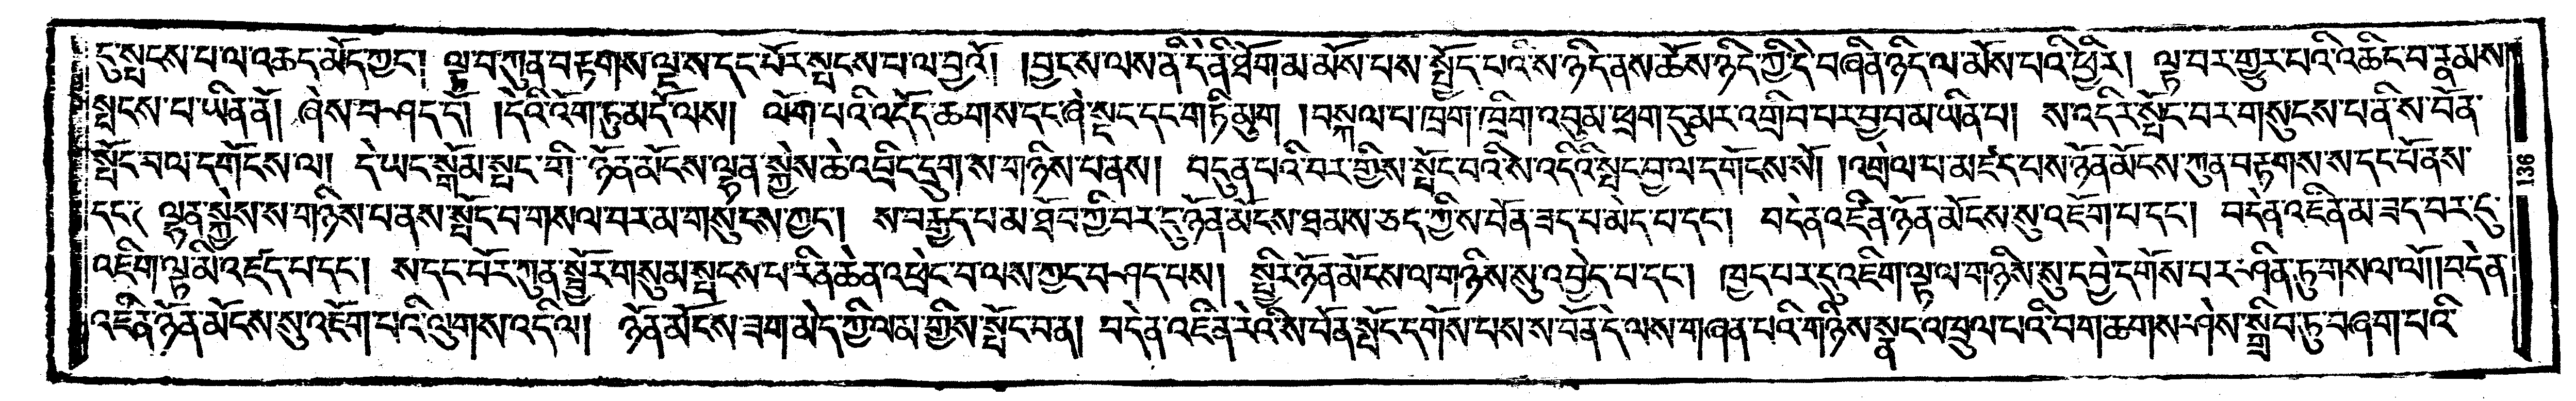དུ་སྤངས་པ་ལ་འཆད་མོད་ཀྱང་། ལྟ་བ་ཀུན་བརྟགས་ལྔ་ས་དང་པོར་སྤངས་པ་ལ་བྱའོ། །བྱང་ས་ལས་ནི་དེ་ནི་ཐོག་མ་མོས་པས་སྤྱོད་པའི་ས་ཉིད་ནས་ཆོས་ཉིད་ཀྱི་དེ་བཞིན་ཉིད་ལ་མོས་པའི་ཕྱིར། ལྟ་བར་གྱུར་པའི་འཆིང་བ་རྣམས་
སྤངས་པ་ཡིན་ནོ། ཞེས་བཤད་དོ། །དེའི་འོག་ཏུ་མདོ་ལས། ལོག་པའི་འདོད་ཆགས་དང་ཞེ་སྡང་དང་གཏི་མུག །བསྐལ་པ་ཁྲག་ཁྲིག་འབུམ་ཕྲག་དུ་མར་འགྲིབ་པར་བྱ་བ་མ་ཡིན་པ། ས་འདིར་སྤོང་བར་གསུངས་པ་ནི་ས་བོན་
སྤོང་བ་ལ་དགོངས་ལ། དེ་ཡང་སྒོམ་སྤང་གི་ཉོན་མོངས་ལྷན་སྐྱེས་ཆེ་འབྲིང་དྲུག་ས་གཉིས་པ་ནས། བདུན་པའི་བར་གྱིས་སྤོང་བའི་ས་འདིའི་སྤང་བྱ་ལ་དགོངས་སོ། །འགྲེལ་པ་མཛད་པས་ཉོན་མོངས་ཀུན་བརྟགས་ས་དང་པོ་ནས་
དང༑ ལྷན་སྐྱེས་ས་གཉིས་པ་ནས་སྤོང་བ་གསལ་བར་མ་གསུངས་ཀྱང་། ས་བརྒྱད་པ་མ་ཐོབ་ཀྱི་བར་དུ་ཉོན་མོངས་ཐམས་ཅད་ཀྱི་ས་བོན་ཟད་པ་མེད་པ་དང་། བདེན་འཛིན་ཉོན་མོངས་སུ་འཇོག་པ་དང་། བདེན་འཛིན་མ་ཟད་བར་དུ་
འཇིག་ལྟ་མི་འཛད་པ་དང་། ས་དང་པོར་ཀུན་སྦྱོར་གསུམ་སྤངས་པ་རིན་ཆེན་འཕྲེང་བ་ལས་ཀྱང་བཤད་པས། སྤྱིར་ཉོན་མོངས་ལ་གཉིས་སུ་འབྱེད་པ་དང་། ཁྱད་པར་དུ་འཇིག་ལྟ་ལ་གཉིས་སུ་དབྱེ་དགོས་པར་ཤིན་ཏུ་གསལ་ལོ། །བདེན་
འཛིན་ཉོན་མོངས་སུ་འཇོག་པའི་ལུགས་འདི་ལ། ཉོན་མོངས་ཟག་མེད་ཀྱི་ལམ་གྱིས་སྤོང་བ་ན། བདེན་འཛིན་རེའི་ས་བོན་སྤོང་དགོས་པས་ས་བོན་དེ་ལས་གཞན་པའི་གཉིས་སྣང་འཁྲུལ་པའི་བག་ཆགས་ཤེས་སྒྲིབ་ཏུ་བཞག་པའི་